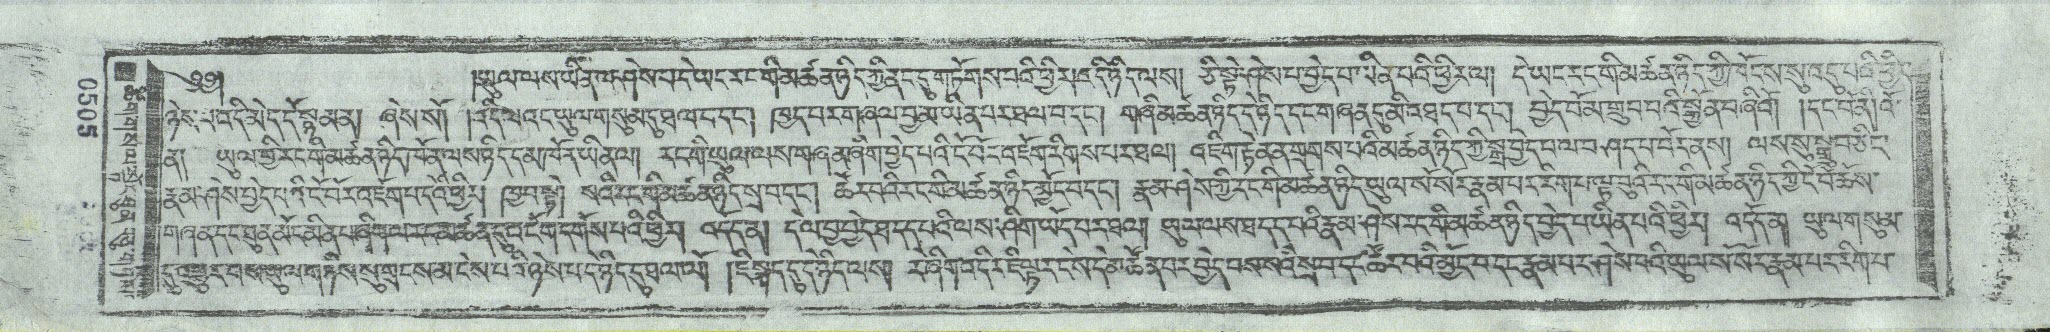༄༅། །ཡུལ་ལས་ཡིན་ལ་ཤེས་པ་དེ་ཡང་རང་གི་མཚན་ཉིད་ཀྱི་ནང་དུ་གཏོགས་པའི་ཕྱིར། འདི་ཉིད་ལས། ཅི་སྟེ་ཤེས་པ་བྱེད་པ་ཡིན་པའི་ཕྱིར་ལ། དེ་ཡང་རང་གི་མཚན་ཉིད་ཀྱི་ཁོངས་སུ་འདུ་པའི་ཕྱིར་
ཉེས་པ་འདི་མེད་དོ་སྙམ་ན། ཞེས་སོ། །འདི་ལའང་ཡུལ་གསུམ་དུ་ཐལ་བ་དང་། ཁྱད་པར་གཞལ་བྱ་མ་ཡིན་པར་ཐལ་བ་དང་། གཞི་མཚན་ཉིད་དེ་ཉིད་དང་གཞན་དུ་མི་འཐད་པ་དང་། བྱེད་པོ་མ་གྲུབ་པའི་སྐྱོན་བཞིའོ། །དང་པོ་ནི། འོ་
ན༑ ཡུལ་གྱི་རང་གི་མཚན་ཉིད་ཁོ་ན་ལས་ཉིད་དམ་ཁོ་ན་ཡིན་ལ། རང་གི་ཡུལ་ལས་གཞན་ཞིག་བྱེད་པའི་ངོ་བོར་འཇོག་རིགས་པར་ཐལ། འཇིག་རྟེན་ན་གྲགས་པའི་མཚན་ཉིད་ཀྱི་སྒྲ་བྱེད་པ་ལ་བཤད་པ་བོར་ནས། ལས་སུ་སྒྲུབ་ཅིང་
རྣམ་ཤེས་བྱེད་པའི་ངོ་བོར་འཇོག་པ་དེའི་ཕྱིར། ཁྱབ་སྟེ། སའི་རང་གི་མཚན་ཉིད་སྲབ་དང་། ཚོར་བའི་རང་གི་མཚན་ཉིད་མྱོང་བ་དང་། རྣམ་ཤེས་ཀྱི་རང་གི་མཚན་ཉིད་ཡུལ་སོ་སོར་རྣམ་པར་རིག་པ་ལྟ་བུའི་རང་གི་མཚན་ཉིད་ཀྱི་ངོ་བོ་ཆོས་
གཞན་དང་ཐུན་མོང་མིན་པ་ཞིག་ལ་རང་མཚན་དུ་འཇོག་དགོས་པའི་ཕྱིར། འདོད་ན། དེ་ལ་བྱ་བྱེད་ཐ་དད་པའི་ལས་ཤིག་ཡོད་པར་ཐལ། ཡུལ་ལས་ཐ་དད་པའི་རྣམ་ཤེས་རང་གི་མཚན་ཉིད་བྱེད་པ་ཡིན་པའི་ཕྱིར། འདོད་ན། ཡུལ་གསུམ་
དུ་འགྱུར་བས་ཡུལ་གཉིས་སུ་གྲངས་མ་ངེས་པའི་ཉེས་པ་དེ་ཉིད་དུ་ཐལ་ལོ། །ཇི་སྐད་དུ་དེ་ཉིད་ལས། རེ་ཞིག་འདིར་ཇི་ལྟར་ངེས་དེ་མཚོན་པར་བྱེད་པས་སའི་སྲ་བ་དང་ཚོར་བའི་མྱོང་བ་དང་རྣམ་པར་ཤེས་པའི་ཡུལ་སོ་སོར་རྣམ་པར་རིག་པ་